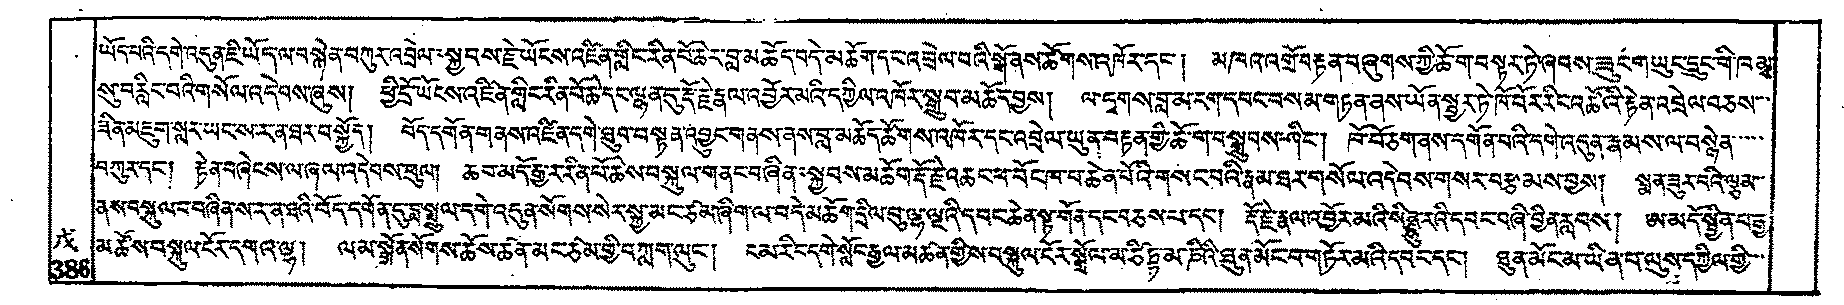ཡོད་པའི་དགེ་འདུན་ཇི་ཡོད་ལ་བསྙེན་བཀུར་འབྲེལ་༧སྐྱབས་རྗེ་ཡོངས་འཛིན་གླིང་རིན་པོ་ཆེར་བླ་མཆོད་བདེ་མཆོག་དང་འབྲེལ་བའི་སྒོ་ནས་ཚོགས་འཁོར་དང་། མཁའ་འགྲོ་བརྟན་བཞུགས་ཀྱི་ཆོ་ག་བསྟར་ཏེ་ཞབས་ཟུང་གཡུང་དྲུང་གི་ཁམས་
སུ་བརླིང་བའི་གསོལ་འདེབས་ཞུས། ཕྱི་དྲོ་ཡོངས་འཛིན་གླིང་རིན་པོ་ཆེ་དང་ལྷན་དུ་རྡོ་རྗེ་རྣལ་འབྱོར་མའི་དཀྱིལ་འཁོར་སྒྲུབ་མཚོད་བྱས། ལ་དྭགས་བླ་མ་ངག་དབང་བསམ་གཏན་ནས་ཡོན་སྦྱར་ཏེ་ཁོ་བོར་རིང་འཚོའི་རྟེན་འབྲེལ་བཅས་
ཟིན་མཇུག་སླར་ཡང་ས་ར་ན་ཐར་བསྐྱོད། བོད་དགོན་གནས་འཛིན་དགེ་ཐུབ་བསྟན་འབྱུང་གནས་ནས་བླ་མཆོད་ཚོགས་འཁོར་དང་འབྲེལ་ཡུན་བརྟན་གྱི་ཆོ་ག་བསྒྲུབས་ཤིང་། ཁོ་བོ་ཅག་ནས་དགོན་པའི་དགེ་འདུན་རྣམས་ལ་བསྙེན་
བཀུར་དང་། རྟེན་བཞེངས་ལ་ཞལ་འདེབས་ཕུལ། ཆབ་མདོ་རྒྱ་ར་རིན་པོ་ཆེས་བསྐུལ་གནང་བཞིན་༧སྐྱབས་མཆོག་རྡོ་རྗེ་འཆང་ཕ་བོང་ཁ་པ་ཆེན་པོའི་གསང་བའི་རྣམ་ཐར་གསོལ་འདེབས་གསར་བརྩམས་བྱས། སྨན་ཟུར་བའི་ལྕམ་
ནས་བསྐུལ་བ་བཞིན་ས་ར་ན་ཐའི་བོད་དགོན་དུ་བླ་སྤྲུལ་དགེ་འདུན་སོགས་སེར་སྐྱ་མང་ཙམ་ཞིག་ལ་བདེ་མཆོག་དྲིལ་བུ་ལྷ་ལྔའི་དབང་ཆེན་སྟ་གོན་དང་བཅས་པ་དང་། རྡོ་རྗེ་རྣལ་འབྱོར་མའི་སིནྡྷུ་རའི་དབང་བཞི་བྱིན་རླབས། ཨ་མདོ་སྦྱིན་པ་རྒྱ་
མཚོས་བསྐུལ་ངོར་དགའ་ལྷ། ལམ་སྒྲོན་སོགས་ཆོས་ཚན་མང་ཙམ་གྱི་བཀླག་ལུང་། ངམ་རིང་དགེ་སློང་རྒྱལ་མཚན་གྱིས་བསྐུལ་ངོར་སྒྲོལ་མ་ཙིཏྟ་མ་ཎིའི་ཐུན་མོང་བ་གཏོར་མའི་དབང་དང་། ཐུན་མོང་མ་ཡིན་པ་ལུས་དཀྱིལ་གྱི་